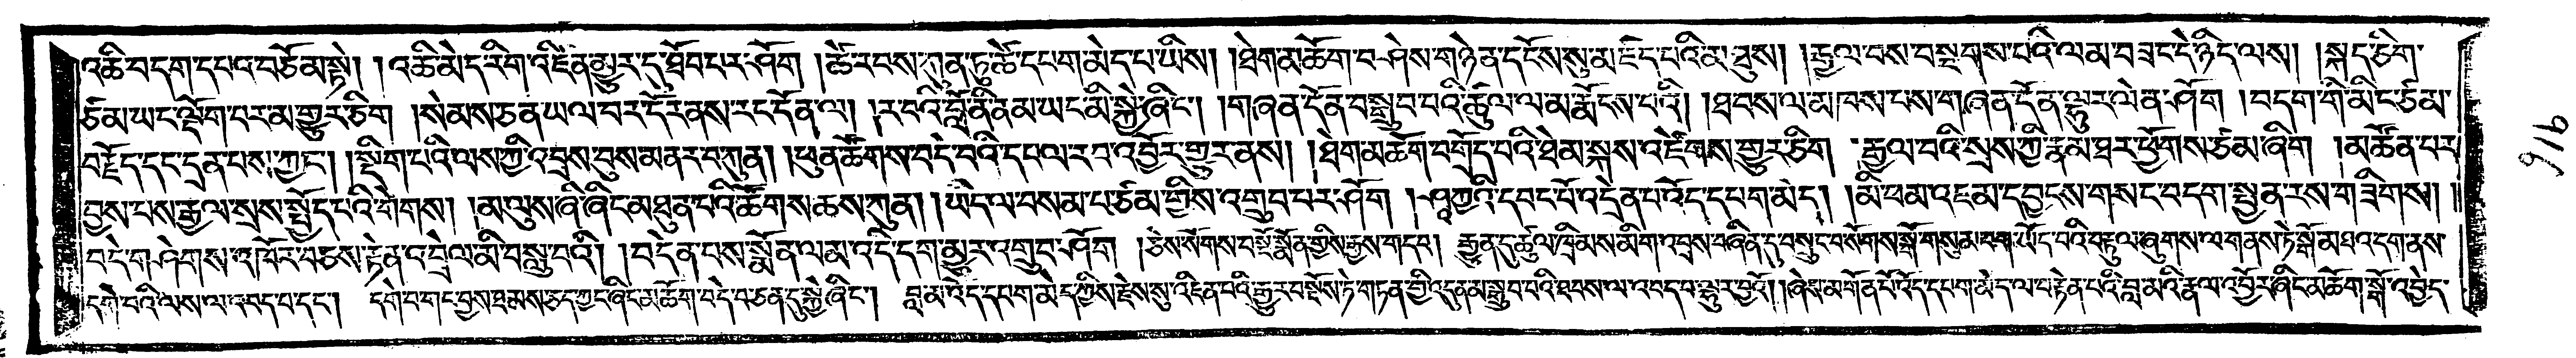འཆི་བདག་དཔའ་བཅོམ་སྟེ། །འཆི་མེད་རིག་འཛིན་མྱུར་དུ་ཐོབ་པར་ཤོག །ཚེ་རབས་ཀུན་ཏུ་ཚེ་དཔག་མེད་པ་ཡིས། །ཐེག་མཆོག་བཤེས་གཉེན་དངོས་སུ་མཛད་པའི་མཐུས། །རྒྱལ་བས་བསྔགས་པའི་ལམ་བཟང་དེ་ཉིད་ལས། །སྐད་ཅིག་
ཙམ་ཡང་ལྡོག་བར་མ་གྱུར་ཅིག །སེམས་ཅན་ཡལ་བར་དོར་ནས་རང་དོན་ལ། །རེ་བའི་བློ་ནི་ནམ་ཡང་མི་སྐྱེ་ཞིང་། །གཞན་དོན་བསྒྲུབ་པའི་ཚུལ་ལ་མ་རྨོངས་པའི། །ཐབས་ལ་མཁས་པས་གཞན་དོན་ལྷུར་ལེན་ཤོག །བདག་གི་མིང་ཙམ་
བརྗོད་དང་དྲན་པས་ཀྱང་། །སྡིག་པའི་ལས་ཀྱི་འབྲས་བུས་མན་རབ་ཀུན། །ཕུན་ཚོགས་བདེ་བའི་དཔལ་རབ་འབྱོར་གྱུར་ནས། །ཐེག་མཆོག་བགྲོད་བའི་ཐེམ་སྐས་འཛེགས་གྱུར་ཅིག །རྒྱལ་བའི་སྲས་ཀྱི་རྣམ་མཐར་ཕྱོགས་ཙམ་ཞིག །མཚོན་པར་
བྱས་པས་རྒྱལ་སྲས་སྤྱོད་པའི་གེགས། །མ་ལུས་ཞི་ཞིང་མཐུན་བའི་ཚོགས་ཆས་ཀུན། །ཡིད་ལ་བསམ་པ་ཙམ་གྱིས་འགྲུབ་པར་ཤོག །ཤཱཀྱའི་དབང་པོ་འདྲེན་པ་འོད་དཔག་མེད། །མི་ཕམ་འཇམ་དབྱངས་གསང་བདག་སྤྱན་རས་གཟིགས། །
བདེ་གཤེགས་འཁོར་བཅས་རྟེན་འབྲེལ་མི་བསླུ་བའི། །བདེན་བས་སྨོན་ལམ་འདི་དག་མྱུར་འགྲུབ་ཤོག །ཅེས་སོགས་བསྔོ་སྨོན་གྱིས་རྒྱས་གདབ། རྒྱུན་དུ་ཚུལ་ཁྲིམས་མིག་འབྲས་བཞིན་དུ་བསྲུང་བ་སོགས་སྒོ་གསུམ་བག་ཡོད་པའི་བརྟུལ་ཞུགས་ལ་གནས་ཏེ་སྒོ་མཐའ་དག་ནས་
དགེ་བའི་ལས་ལ་འབད་པ་དང་། དགེ་བ་གང་བྱས་ཐམས་ཅད་ཀྱང་ཞིང་མཆོག་བདེ་བཅན་དུ་སྐྱེ་ཞིང་། བླ་མ་འོད་དཔག་མེད་ཀྱིས་རྗེས་སུ་འཛིན་བའི་རྒྱུ་རབ་སྔོས་ཏེ་གཏན་གྱི་འདུན་མ་སྒྲུབ་བའི་ཐབས་ལ་འབད་བ་ལྷུར་བྱའོ། །ཞེས་མགོན་པོ་འོད་དཔག་མེད་ལ་བརྟེན་བའི་བླ་མའི་རྣལ་འབྱོར་ཞིང་མཆོག་སྒོ་འབྱོད་